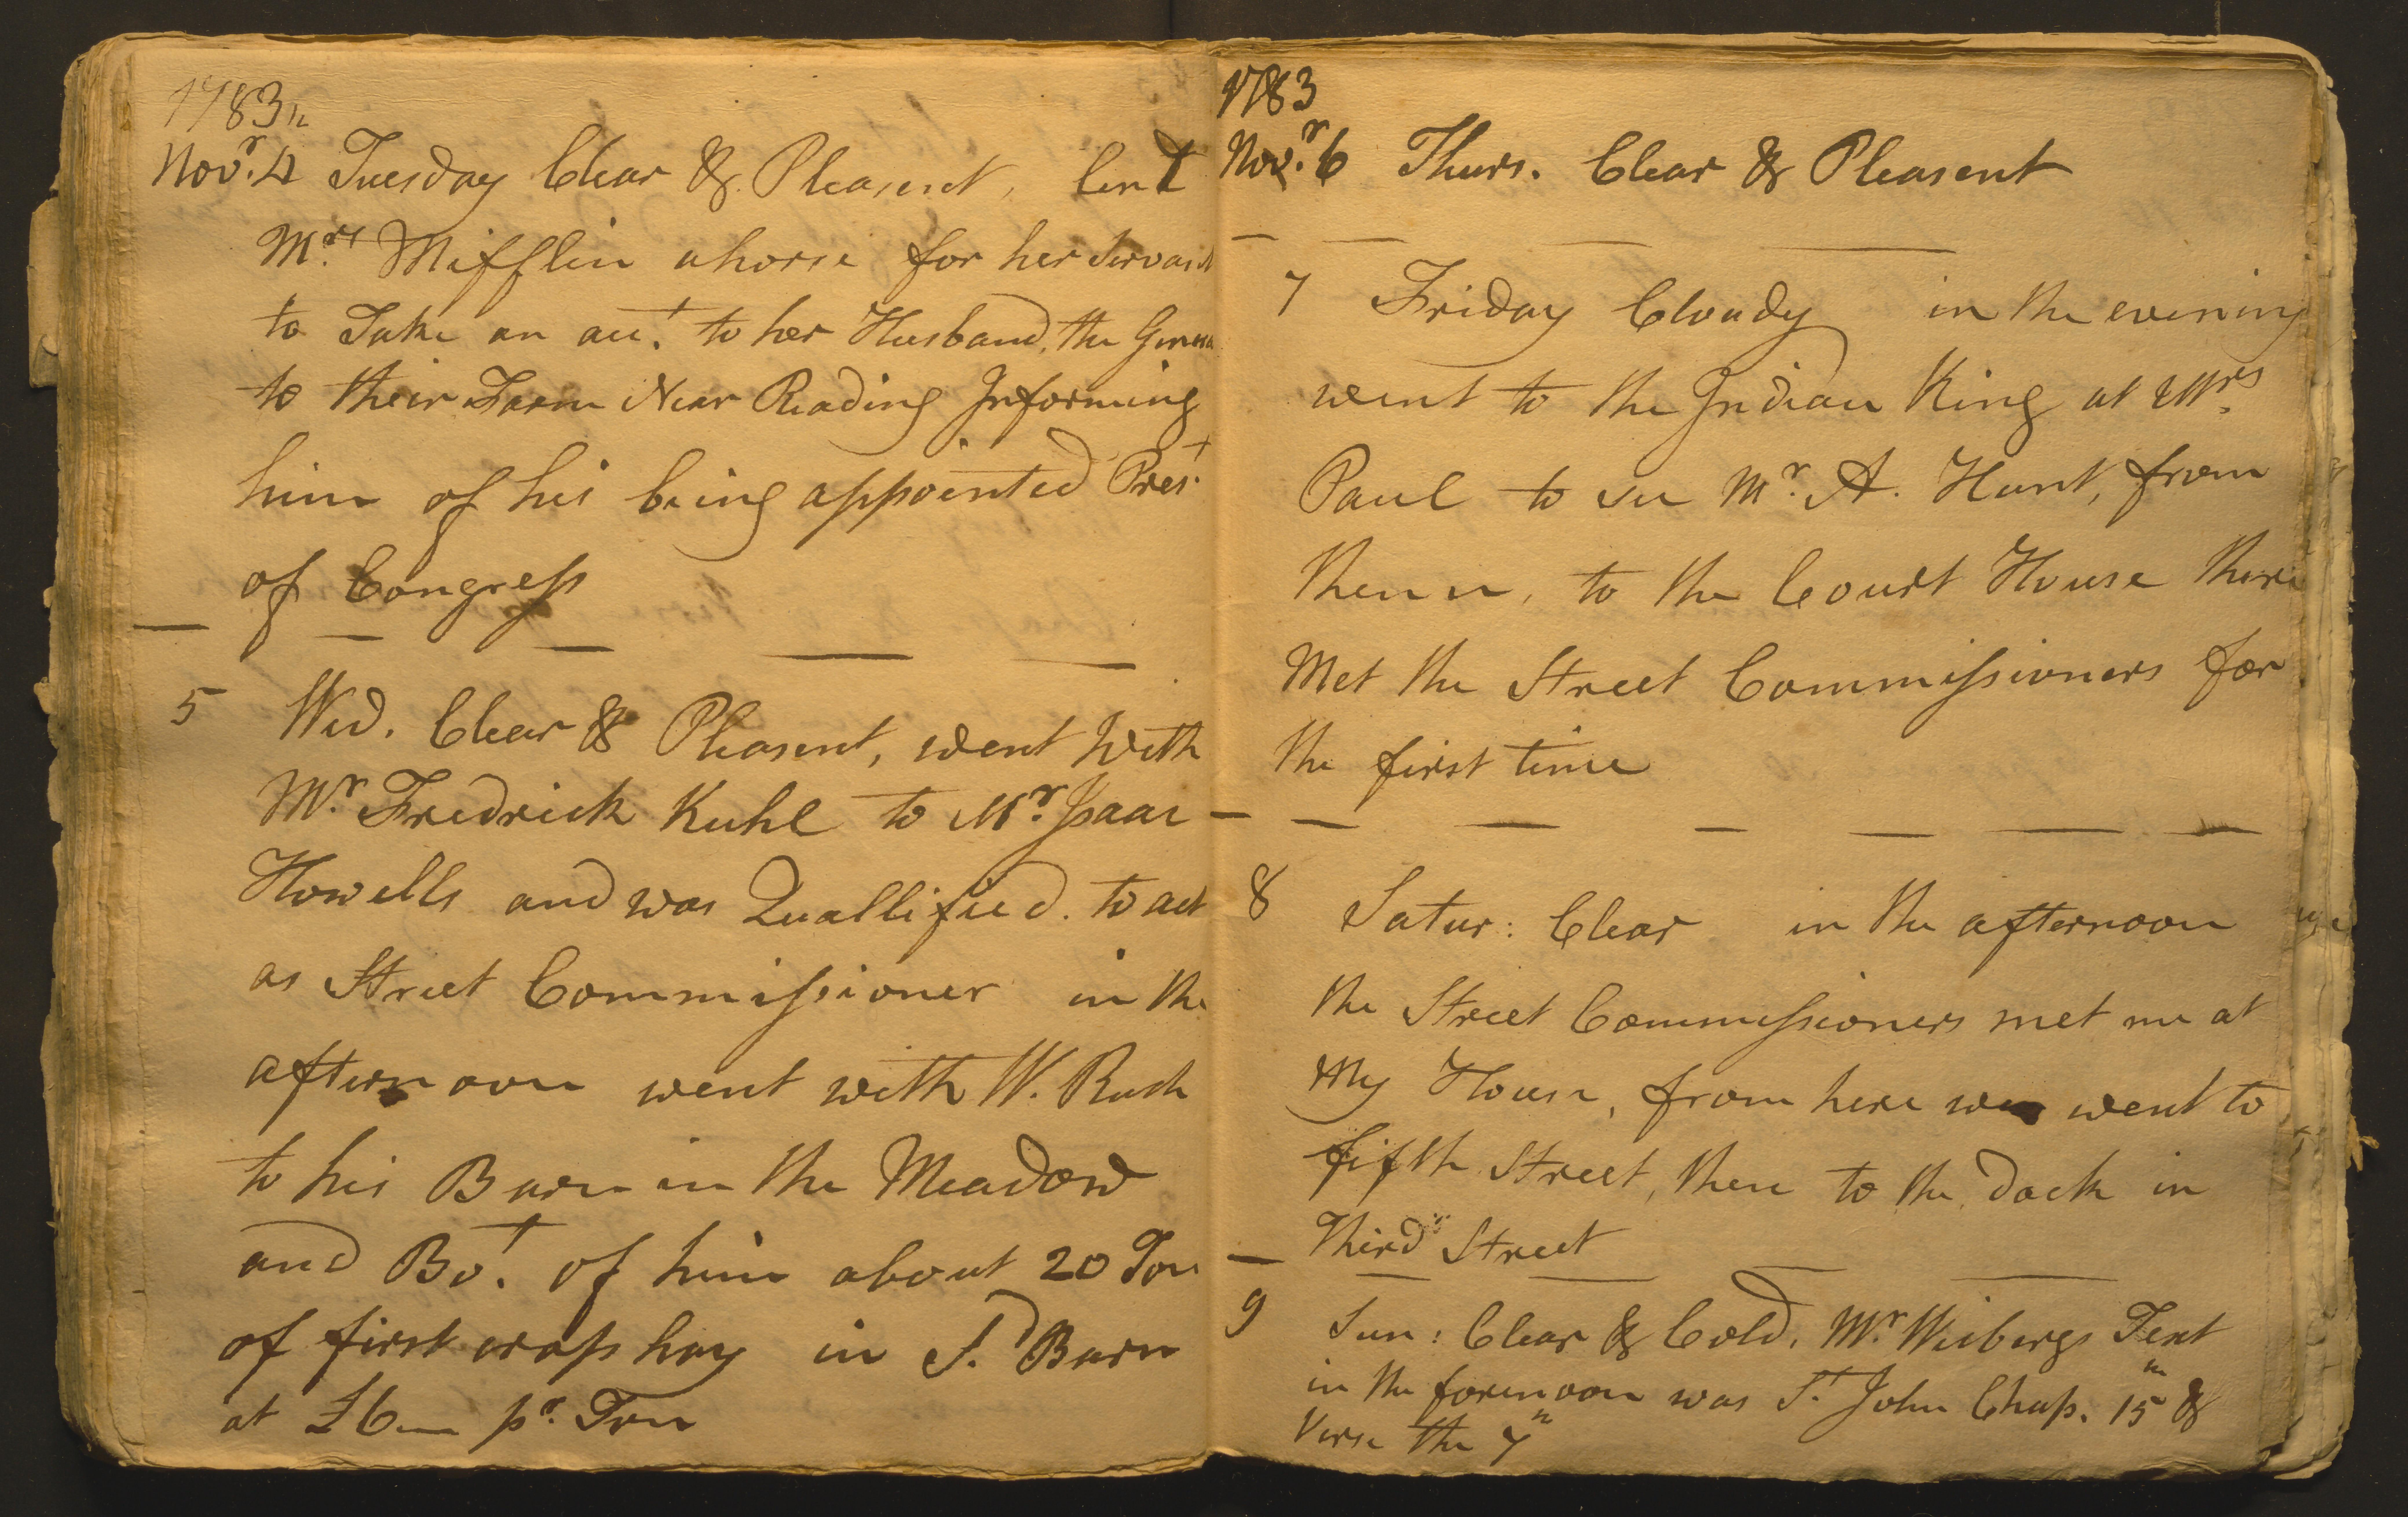1783
Nov^r. 4 Tuesday Clear & Pleaseet. lent
M^rs. Mifflin a horse for her Servant
to Take an acc^t. to her Husband the General
to their Farm Near Reading Informing
tm of his being appointed Pres^t.
of Congress
5 Wed. Clear & Pleasent, went with
M^r. Fredrick Kuhl to M^r. Isaac
Howells and was Quallified. to act
as Street Commissioner in the
afternoon went with W. Rush
to his Barn in the Meadow
and Bo^r. of hie about 20 Ton
of first crop hay in S^d. Barn
at £16- p^r. Ton
1783
Nov^r. 6 Thurs. Clear & Pleasent
7 Friday Cloudy in the evening
went to the Indian Hing at M^rs.
Paul to see M^r. A. Hunt from
thence, to the Court House there
Met the Street Commissioners for
the first time
8 Satur: Clear in the afternoon
the Street Commissioners met me at
My House from here we went to
fifth Street there to the dock in
Third Street
9 Sun. Clear & Cold. M^r. Weibergs Text
in the forenoon was S^t. John Chap. 15^th &
Verse the 7^th